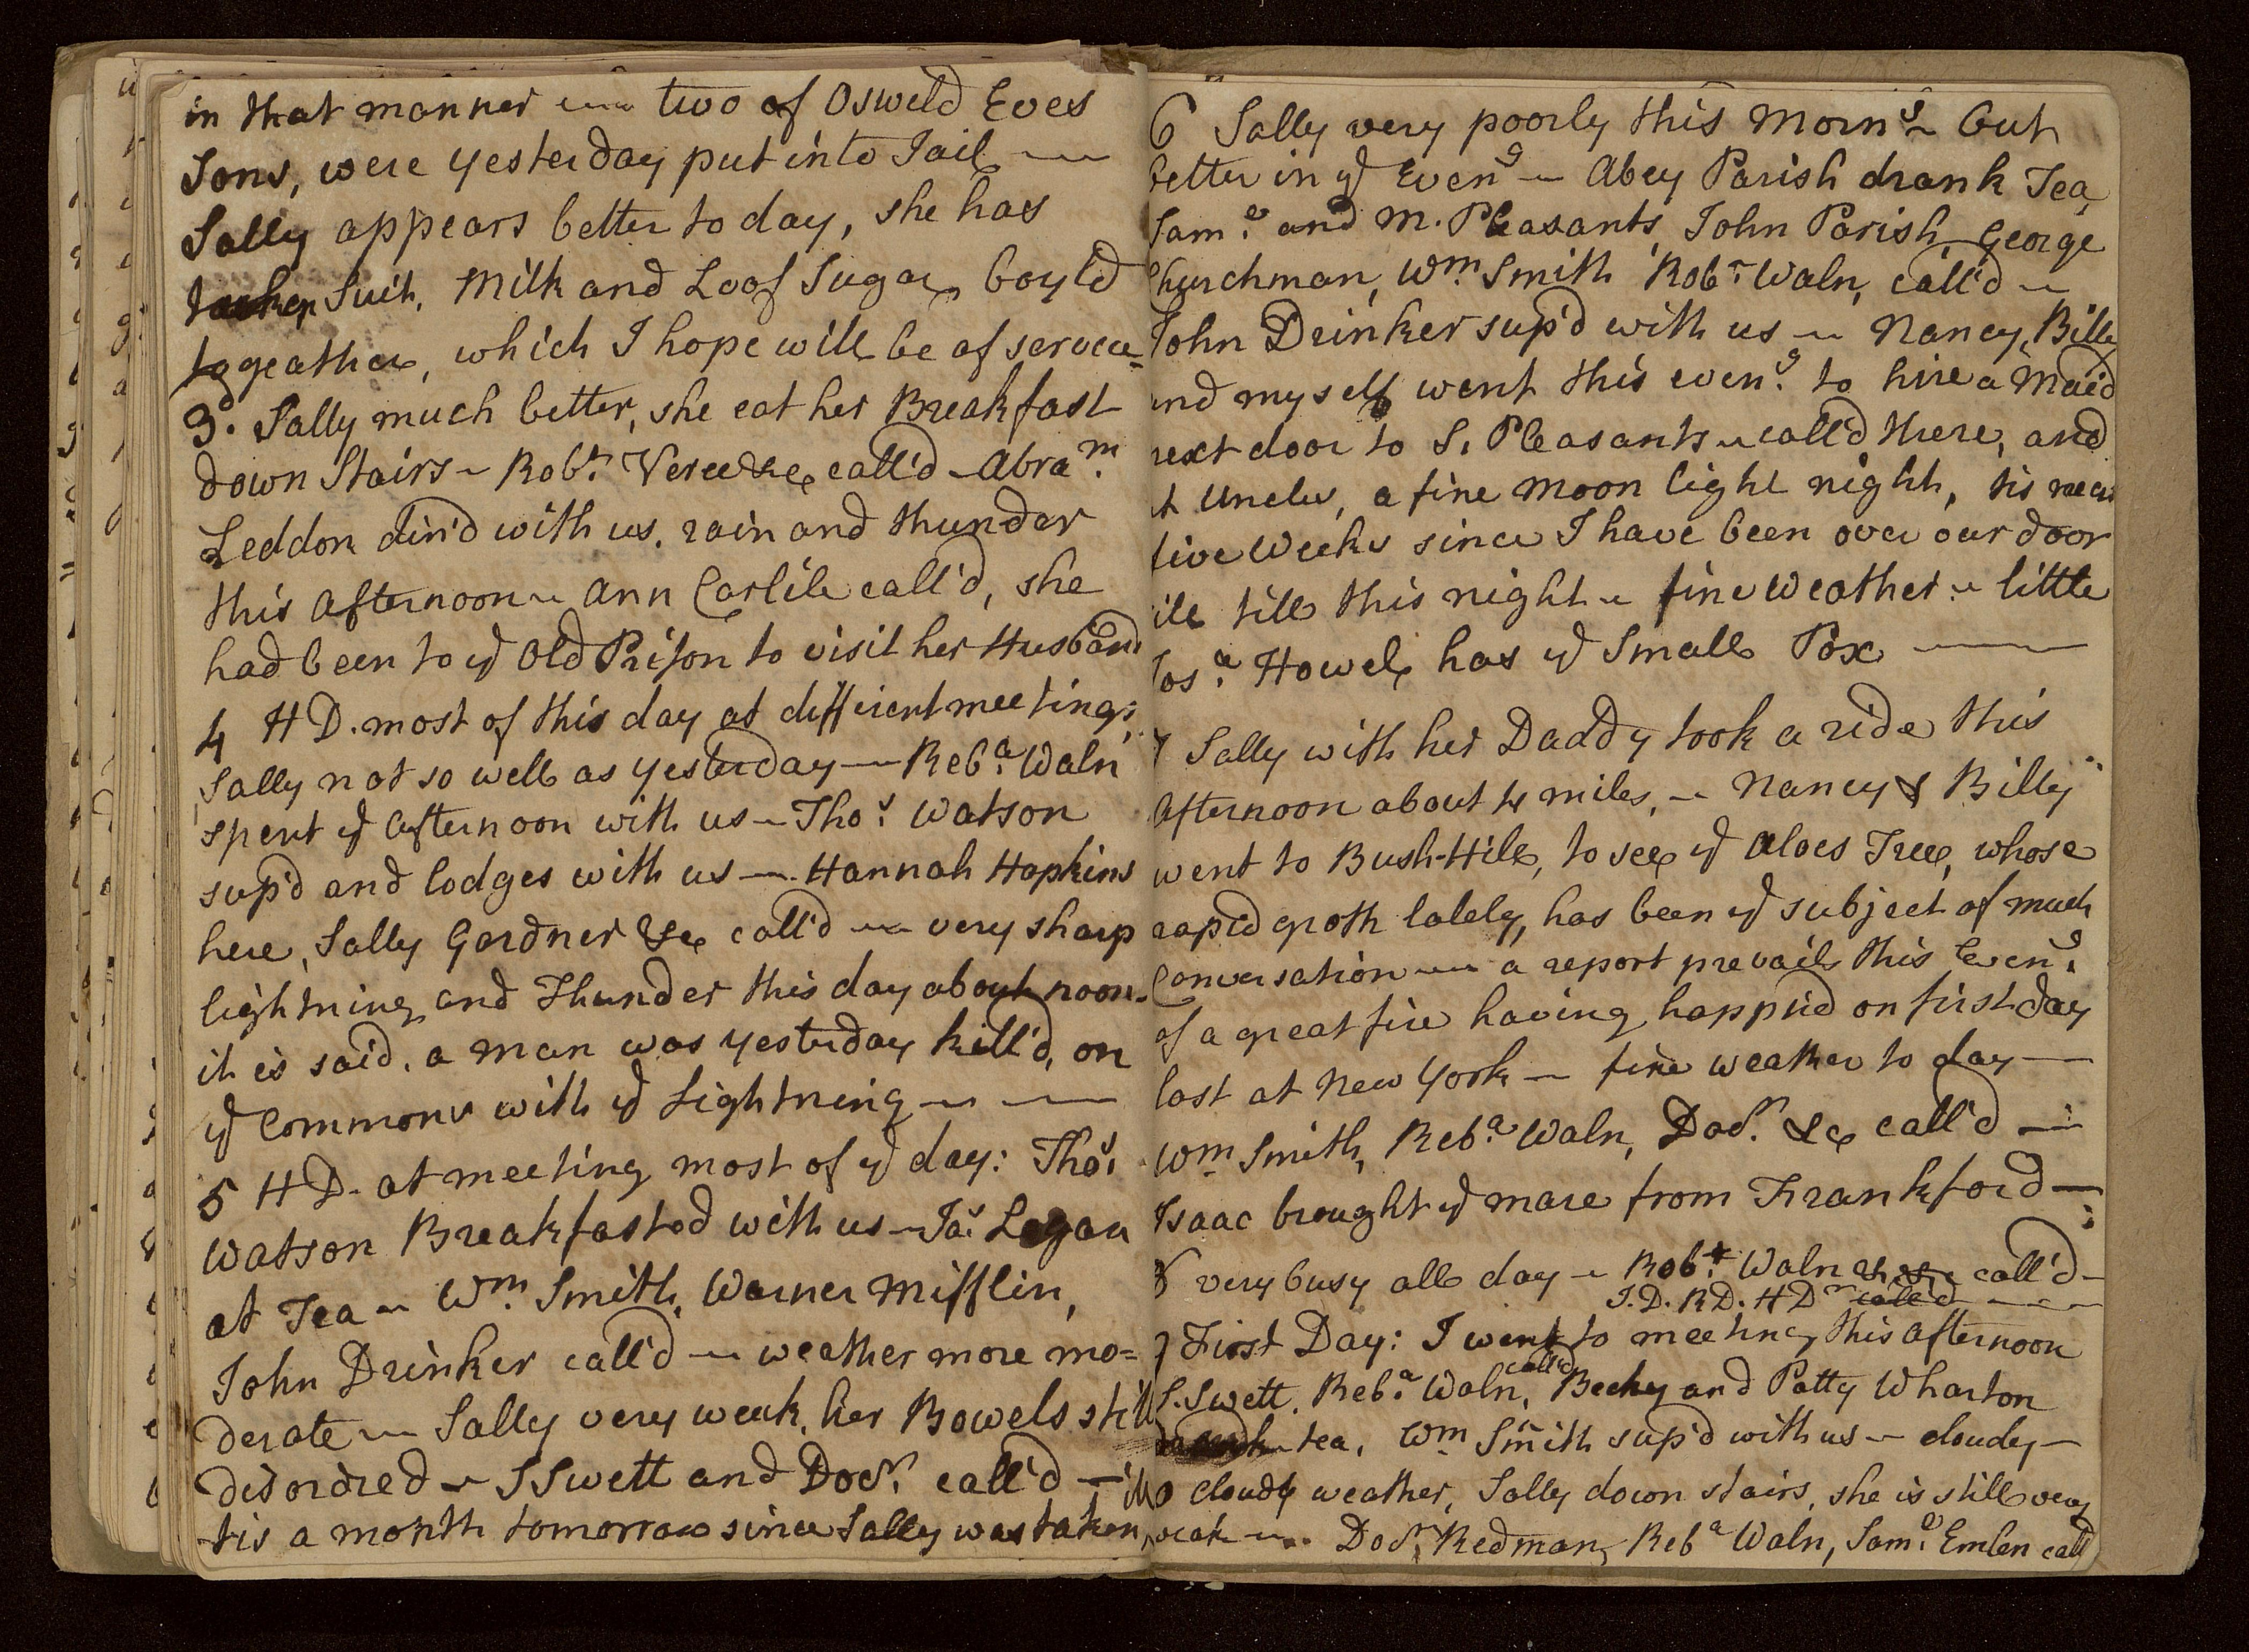in that manner- two of Osweld Eves
Sons, were yesterday put into Jail-
Sally appears better to day, she has
tacken Such, Milk and Loof sugar, boyld
togeather, which I hope will be of service
3.^d Sally much better, she eat her Breakfast
down Stairs- Rob^t Veree &c call'd Abra^m.
Leddon din'd with us, rain and thunder
this afternoon- Ann Carlile call'd, she
had been to y^e old Prison to visit her Husband
4 H D. most of this day at different meetings,
Sally not so well as yesterday- Reb^a. Waln
spent y^e afternoon with us- Tho.^s Watson
sup'd and lodges with us- Hannah Hopkins
here, Sally Gordner &c call'd- very sharp
lightning and Thunder this day about noon.
it is said. a man was yesterday kill'd, on
y^e commons with y^e Lightning-
5 HD. at meeting most of y^e day: Tho.^s
Watson Breakfasted with us- Ja.^s Logan
at Tea- W^m. Smith, Warner Mifflin,
John Drinker call'd- weather more mo-
derate- Sally very weak, her Bowels still
didorored- S Swett and Doc^r. call'd-
'M
tis a month tomorrow since Sally was taken,
6 Sally very poorly this Morn^g- but
detter in y^e Even^g- Abey Parish drank Tea,
Sam^l. and M. Pleasants, John Parish, George
Churchman, W^m. Smith Rob^r. Waln, call'd-
John Drinker sup'd with us- Nancy Billy
and myself went this even^g. to hire a Maid
next door to S. Pleasants- call'd there, and
t Uncle, a fine moon light night, tis nea
five weeks since I have been over our door
ill till this night- fine weather- little
Jos^a Howel has y^e Small Pox-
7 Sally with her Daddy took a ride this
afternoon about 4 miles,- Nancy & Billy
sent to Bush-Hill, to see y^e Aloes Tree, whose
rapid groth lately, has been y^e subject of much
Conversation- a report prevails this Even.^g
of a great fire having hoppn'd on first day
lost at new York- fine weather to day-
W^m Smith, Reb^a. Waln, Doc^r. &c call'd-
Isaac brought y^e mare from Frankford-
8 very busy all day- Rob^t. Waln &c &c call'd
J.D. RD. HD^r call'd-
9 First Day: I went to meeting, this afternoon
call'd
S. Swett, Reb.^a Waln, Becky and Patty Wharton
drank tea, W^m. Smith sup'd with us- cloudy-
0 Cloudy weather, Sally down stairs, she is still very
sick- Doc^r. Redman, Reb^a Waln, Sam^l. Emlen call